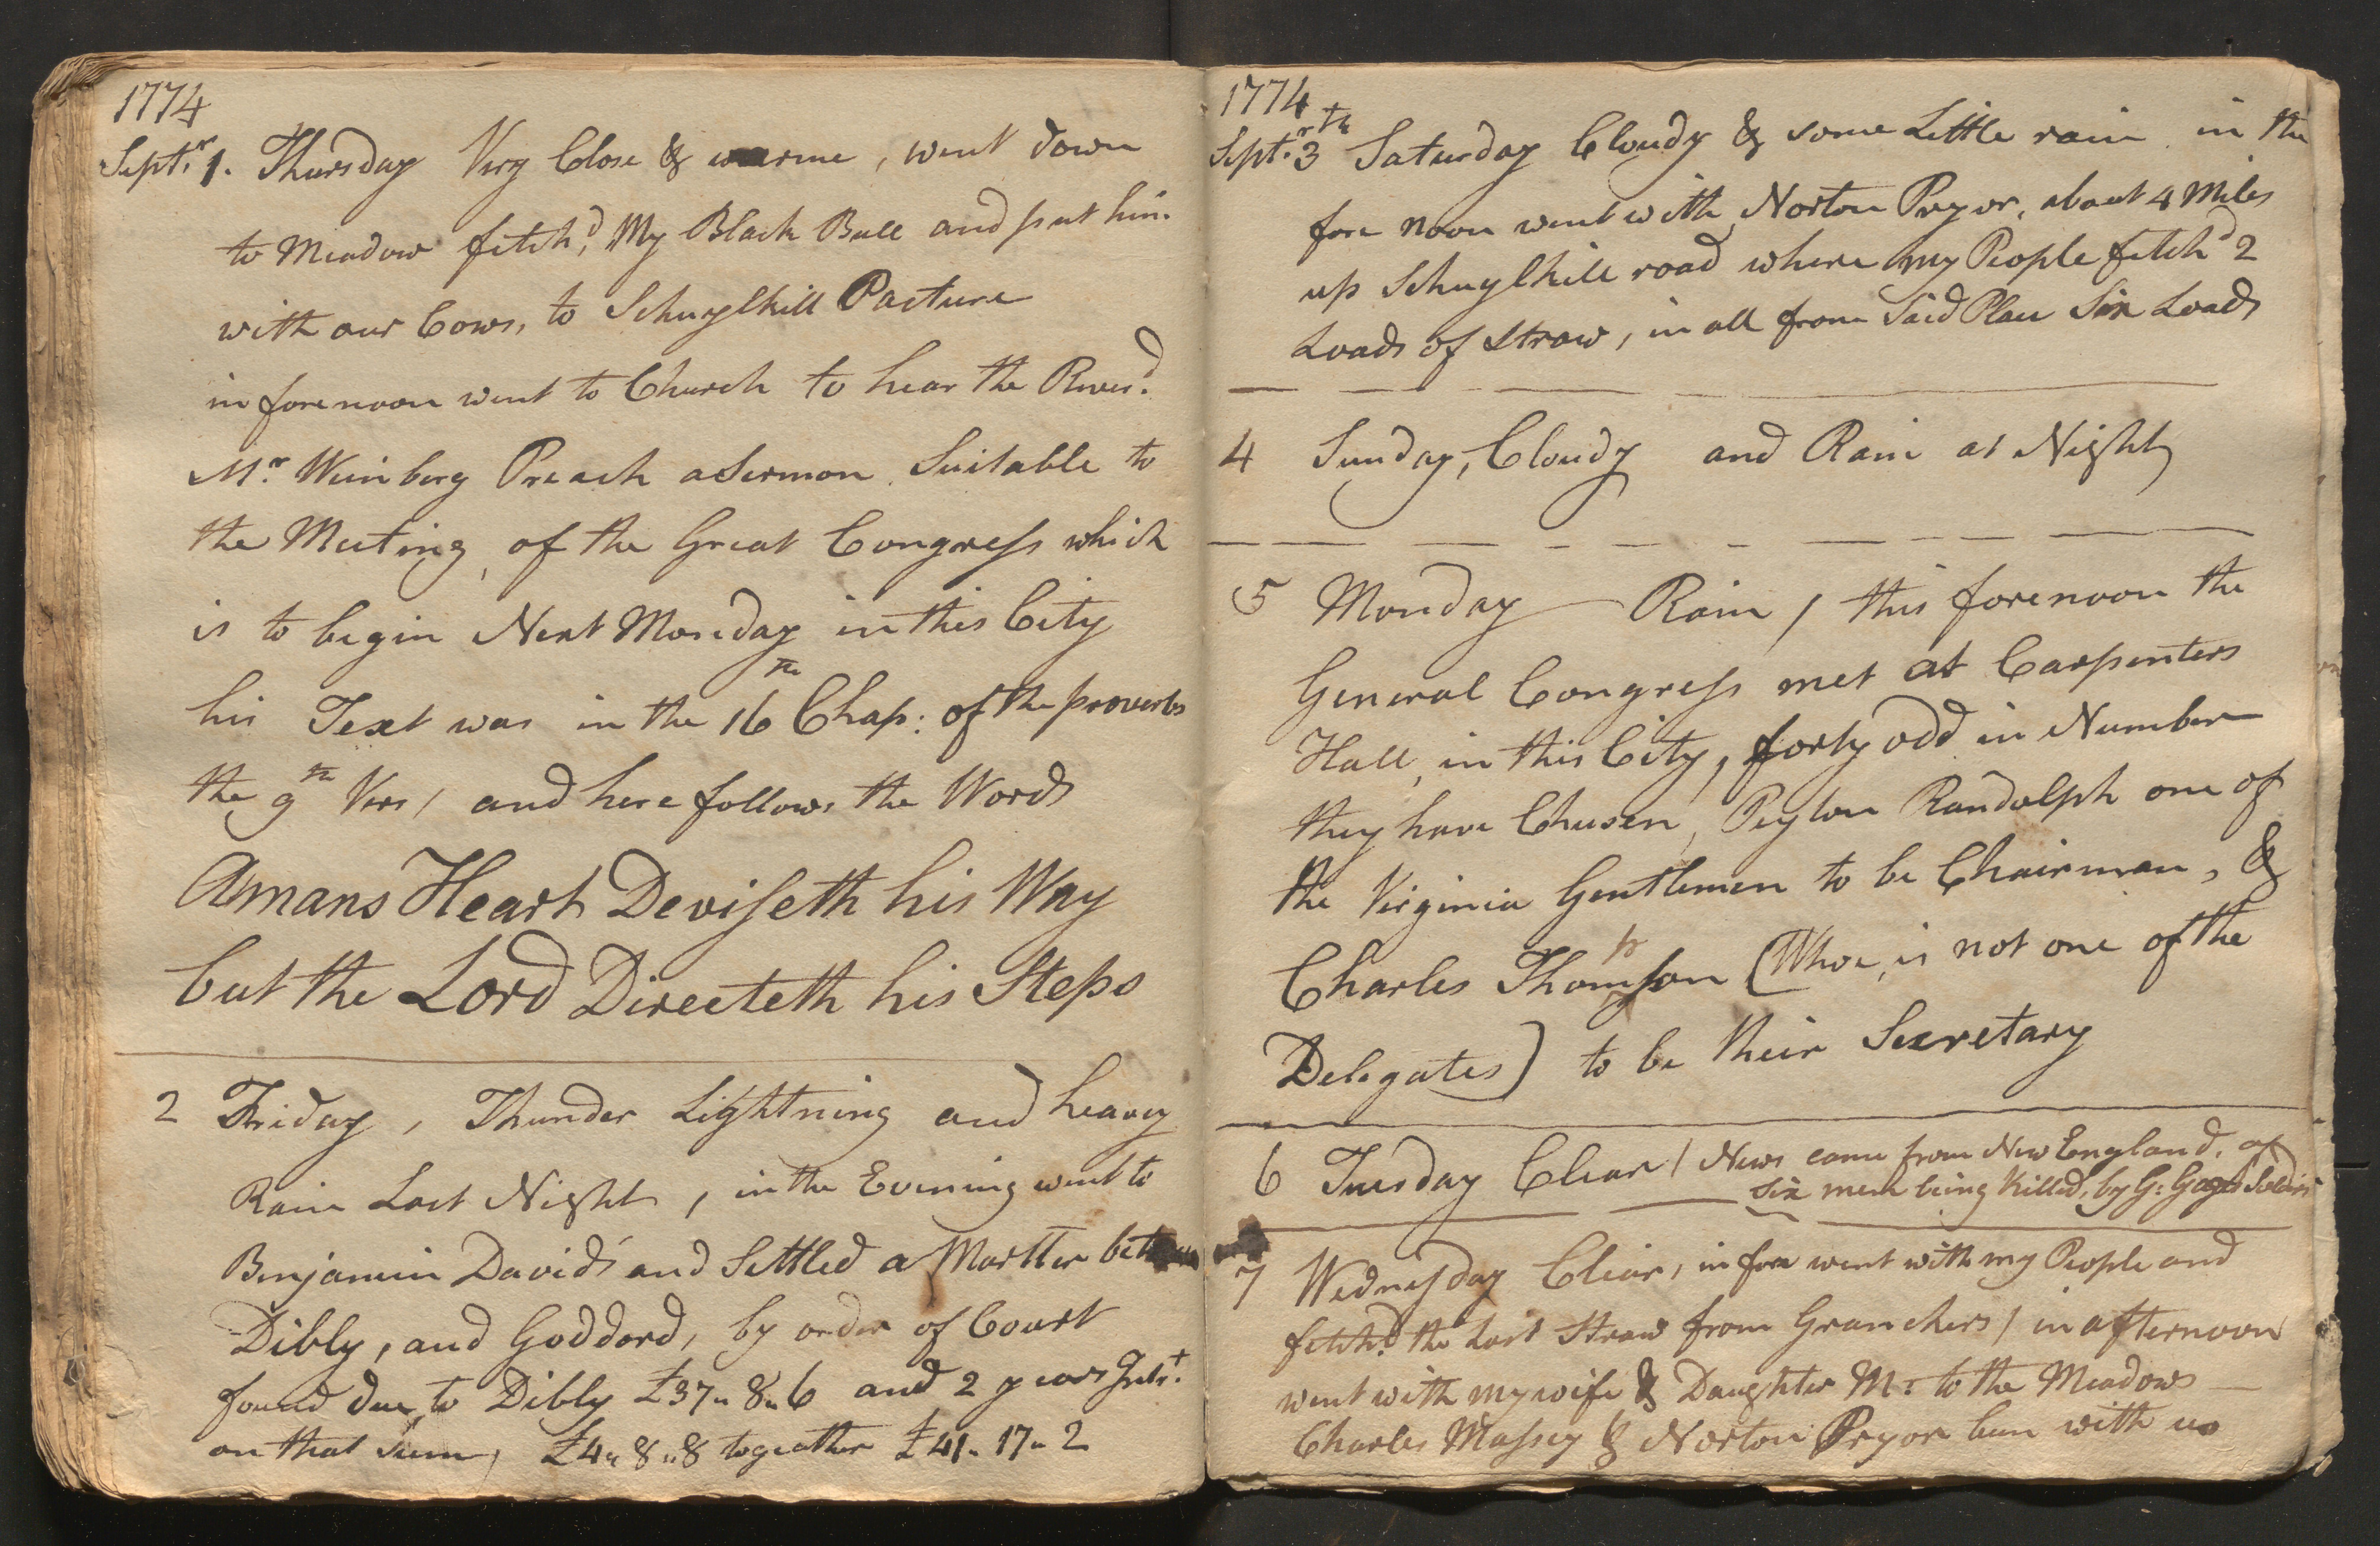1774
Sept^r. 9. Thursday Very Close & warme, went down
to Meadow fetch^d. My Black Bull and put him
with our Cows, to Schuylkill Pasture
in forenoon went to Church to hear the Rever^d.
M^r. Weinberg Preach a Sermon Suitable to
the Meeting of the Great Congress which
is to begin Next Moneday in this City
his Text was in the 16^th Chap: of the proverbs
the 9^th Vers, and here follows the Words
A mans Heart Deviseth his Way
but the Lord Directeth his Steps
2 Friday, Thunder Lightning and heavy
Rain Last Night, in the Evening went to
Benjamin David's and Settled a Martyer between
Dibly, and Goddard, by order of Court
found due to Dibly £37..8..6 and 2 gears Intr^t.
on that sum, £4..8..8 togesthr £41.17.2
1774
Sept^r. 3^th Saturday Cloudy & some Little rain, in the
fore noon went with Norton Pryor, about 4 Miles
up Schuylkill road where any People fetch^d 2
Loads of Straw, in all from Said Place Six Loads
4 Sunday, Cloudy and Rain at Night
5 Monday Rain / this forenoon the
General Congress met at Carpenters
Hall in this City, forty odd in Number
they have Chusen Peyton Randolph one of
the Virginia Gentlemen to be Chairman, &
Charles Thomson (Whoe is not one of the
Delegates) to be their Secretary
6 Tuesday Clear / News came from New England, of
six men being Killed. by G. Gages Soldiers
7 Wednesday Clear, in fore went with my People and
fetch^d the Lart Straw from Granchers / in afternoon
went with my wife & Daughter M: to the Meadows
Charles Massey & Noston Pryor been with us